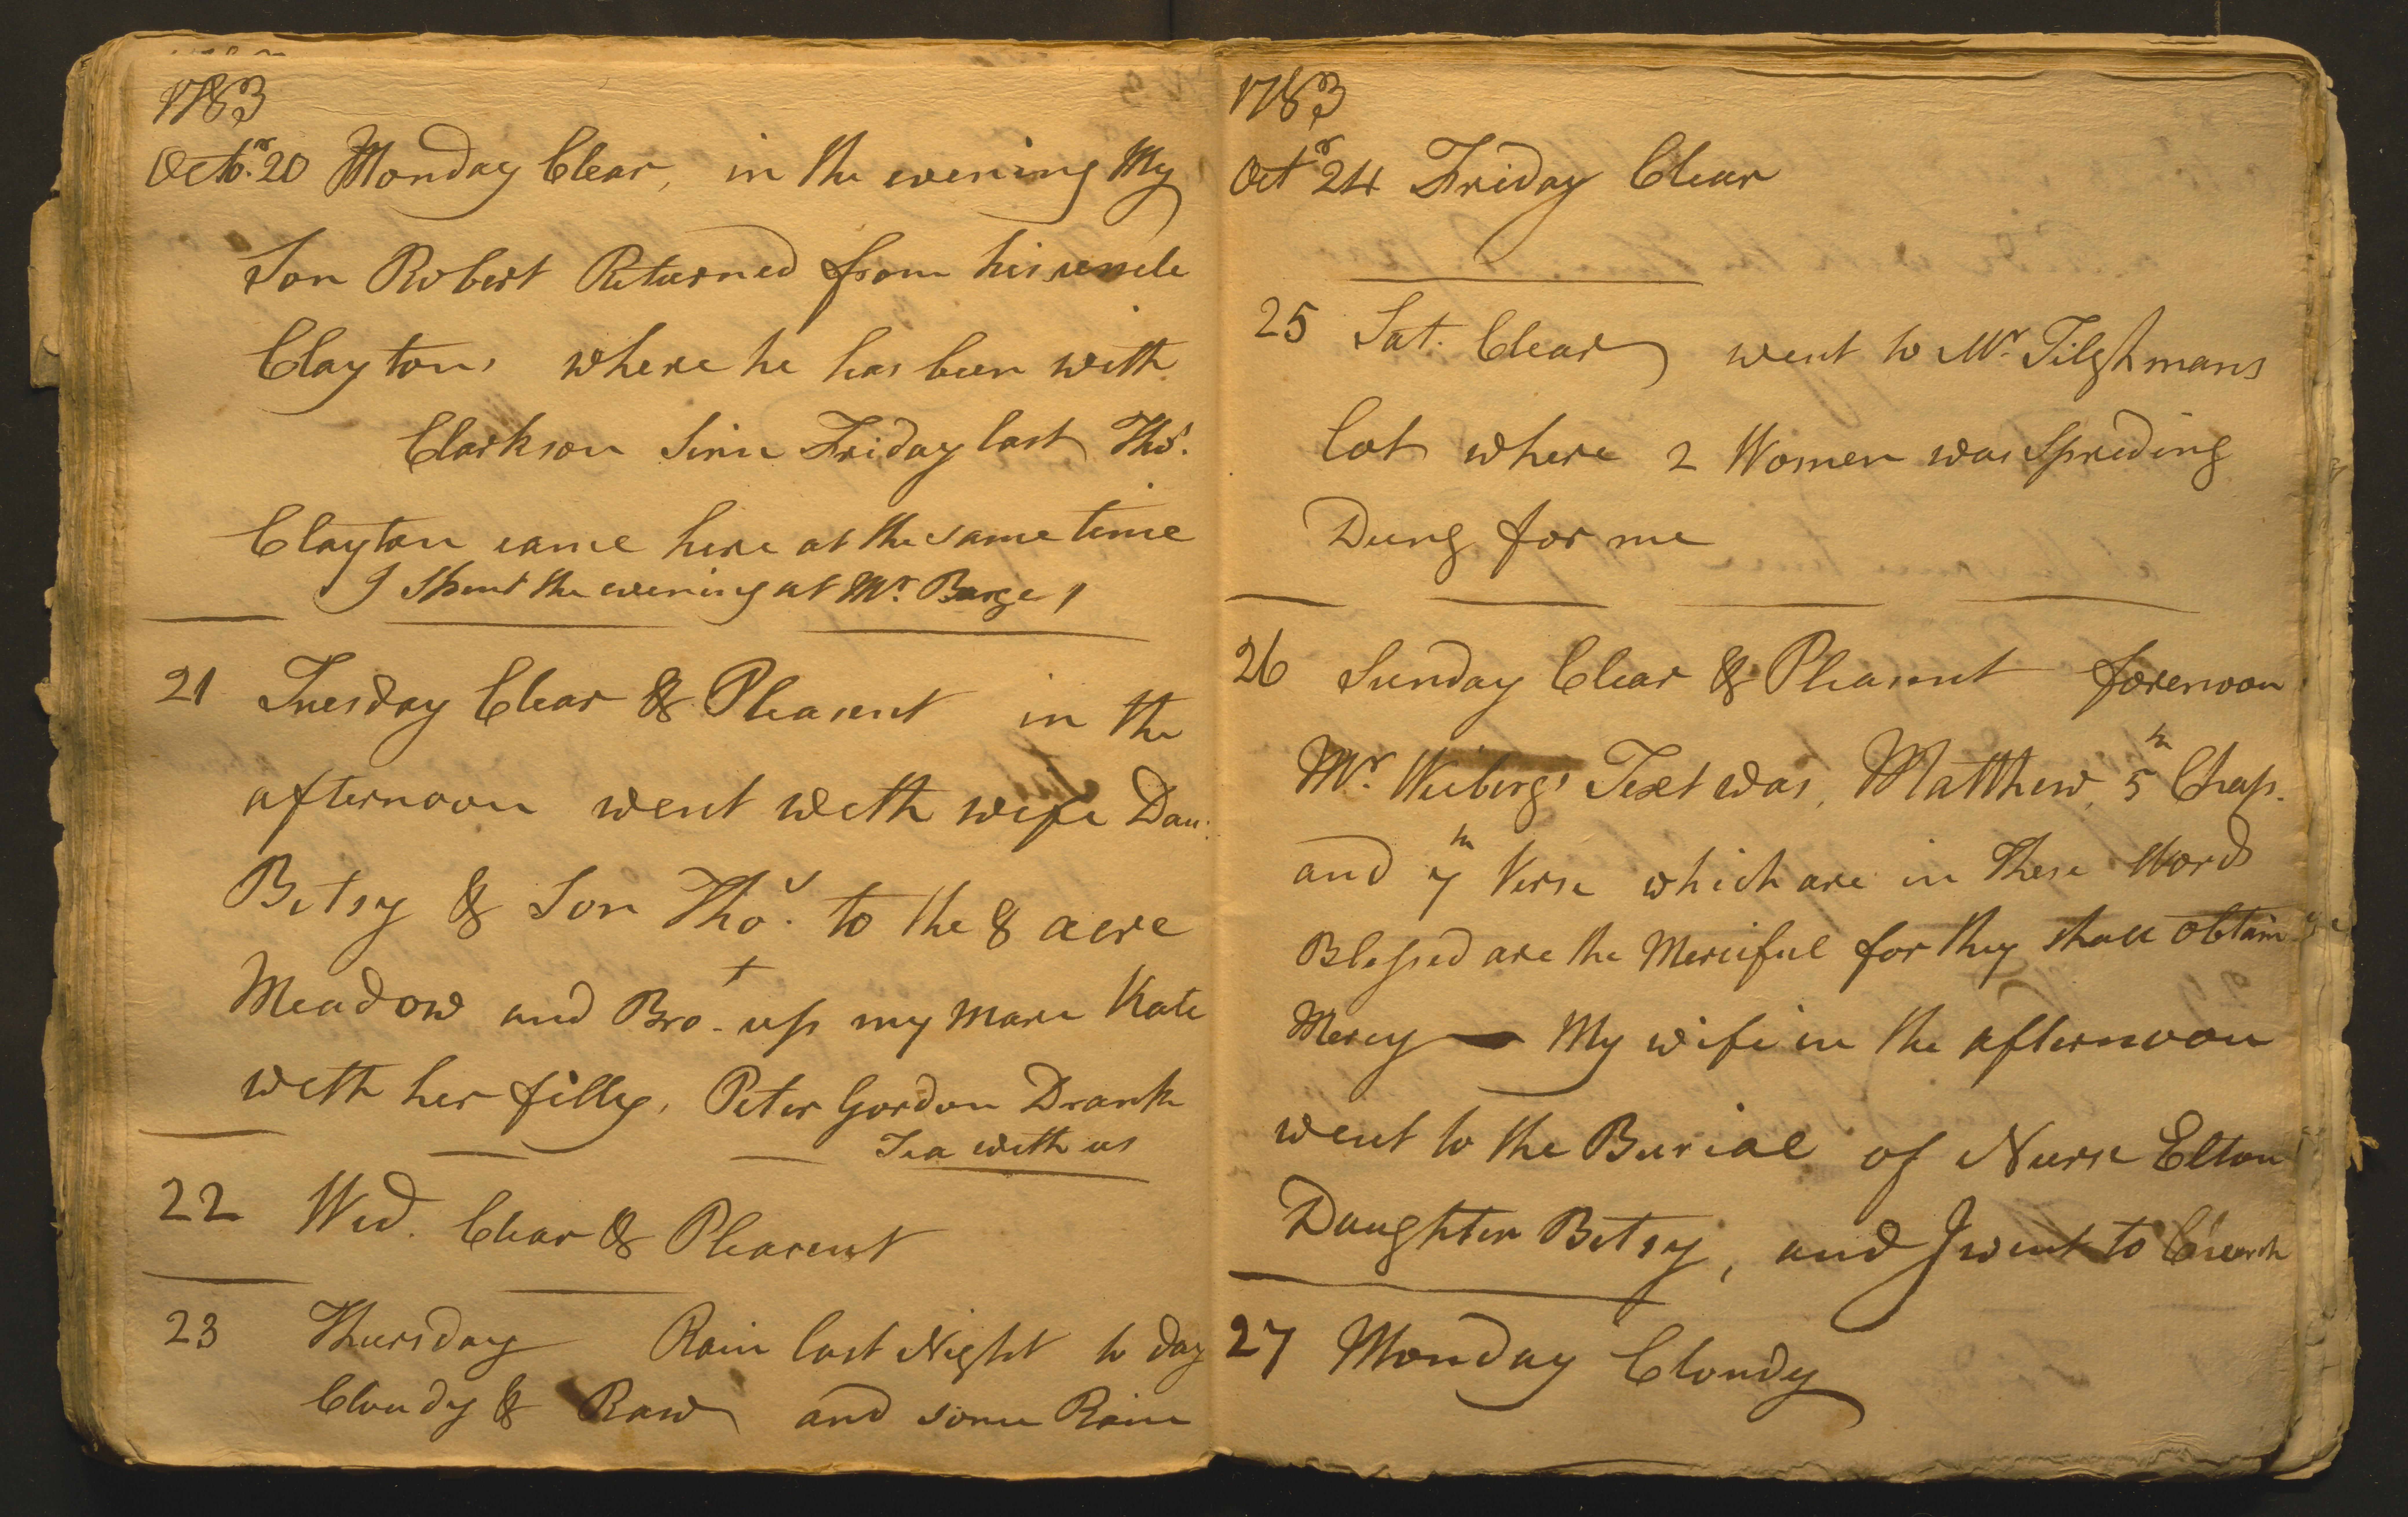1783
Octo^r. 20 Monday Clear, in the evening My
Son Robert Returned from his uncle
Claytons where he has been with
Clarkson Since Friday last Tho^s.
Clayton came here at the same time
I spent the evening at M^r. Barges
21 Tuesday Clear & Pleasent in the
afternoon went with wife Dau
Betsy & Son Tho^s. to the 8 acre
Meadow and Bro^t. up my mare Kate
with her filly, Peter Gordon Drank
22 Wed. Clear & Pleasent
Tea with us
28 Thursday Rain last Night to day
Cloudy & Raw and some Rain
1783
Oct^r 24 Friday Clear
25 Sat. Clear went to M^r. Tilghmans
lot where 2 Women was spreding
Dung for me
26 Sunday Clear & Pleasent forenoon
M^r. Weibergs Text was Matthew 5^th Chap
and 7^th Verse which are in These Words
Blessed are the Merciful for they shall obtain
Mercy- My wife in the afternoon
went to the Burial of Nurse Elton
Daughter Betsey and I went to Church
27 Monday Cloudy